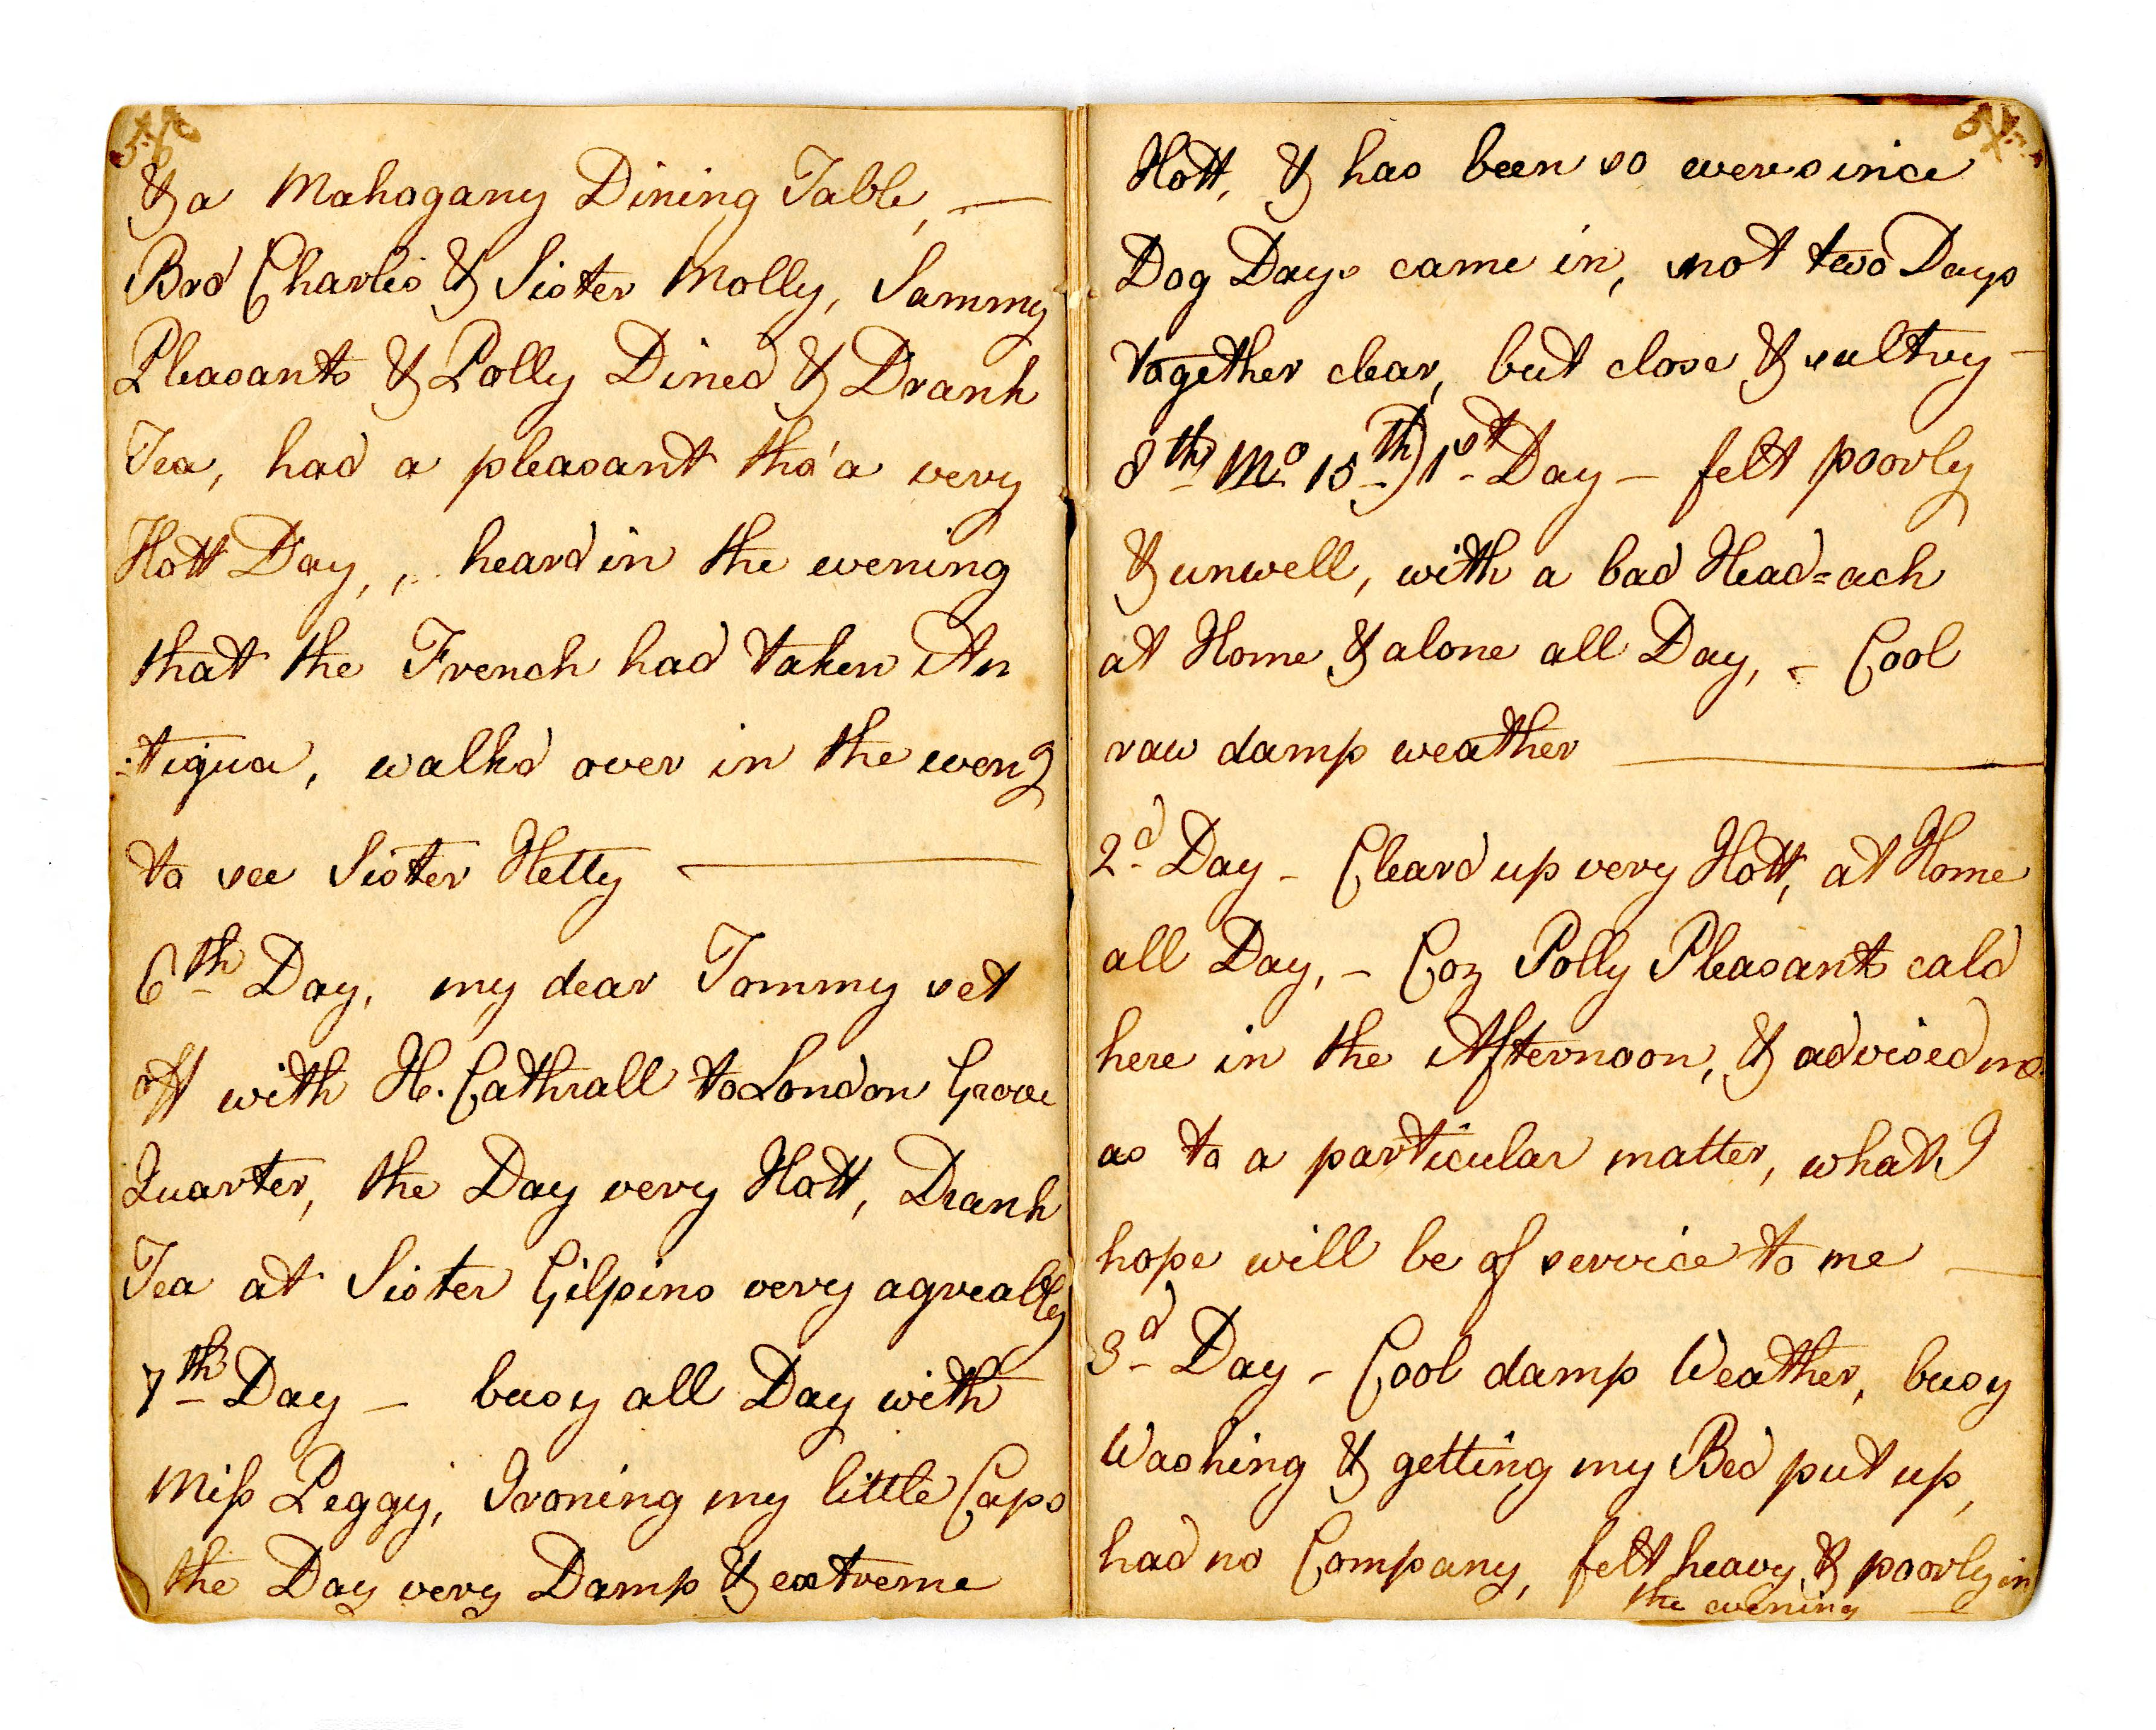56
& a Mahogany Dining Table,-
Bro' Charles & Sister Molly, Sammy
Pleasants & Polly Dined & Drank
Tea, had a pleasant tho' a very
Hott Day, , heard in the evening
that the French had taken An
-tigua, walkd over in the even^g
to see Sister Hetty
6^th Day, my dear Tommy set
off with H. Cathrall to London Grove
Quarter, the Day very Hott, Drank
Tea at Sister Gilpins very agreably
7^th Day- busy all Day with
Miss Peggy, Ironing my little Caps
the Day very Damp & extreme
57
Hott & has been so evere since
Dog Days came in, not two Days
together clear, but close & sultry-
8^th M^0 15^th) 1^st Day- felt poorly
& unwell, with a bad Head-ach
at Home, & alone all Day- Cool
raw damp weather
2^d Day- Cleard up very Hott, at Home
all Day- Coz Polly Pleasants cald
here in the Afternoon, & advised me
as to a particular matter, what I
hope will be of service to me
3^d Day- Cool damp Weather, busy
Washing & getting my Bed put up,
had no Company, felt heavy & poorly in
the evening